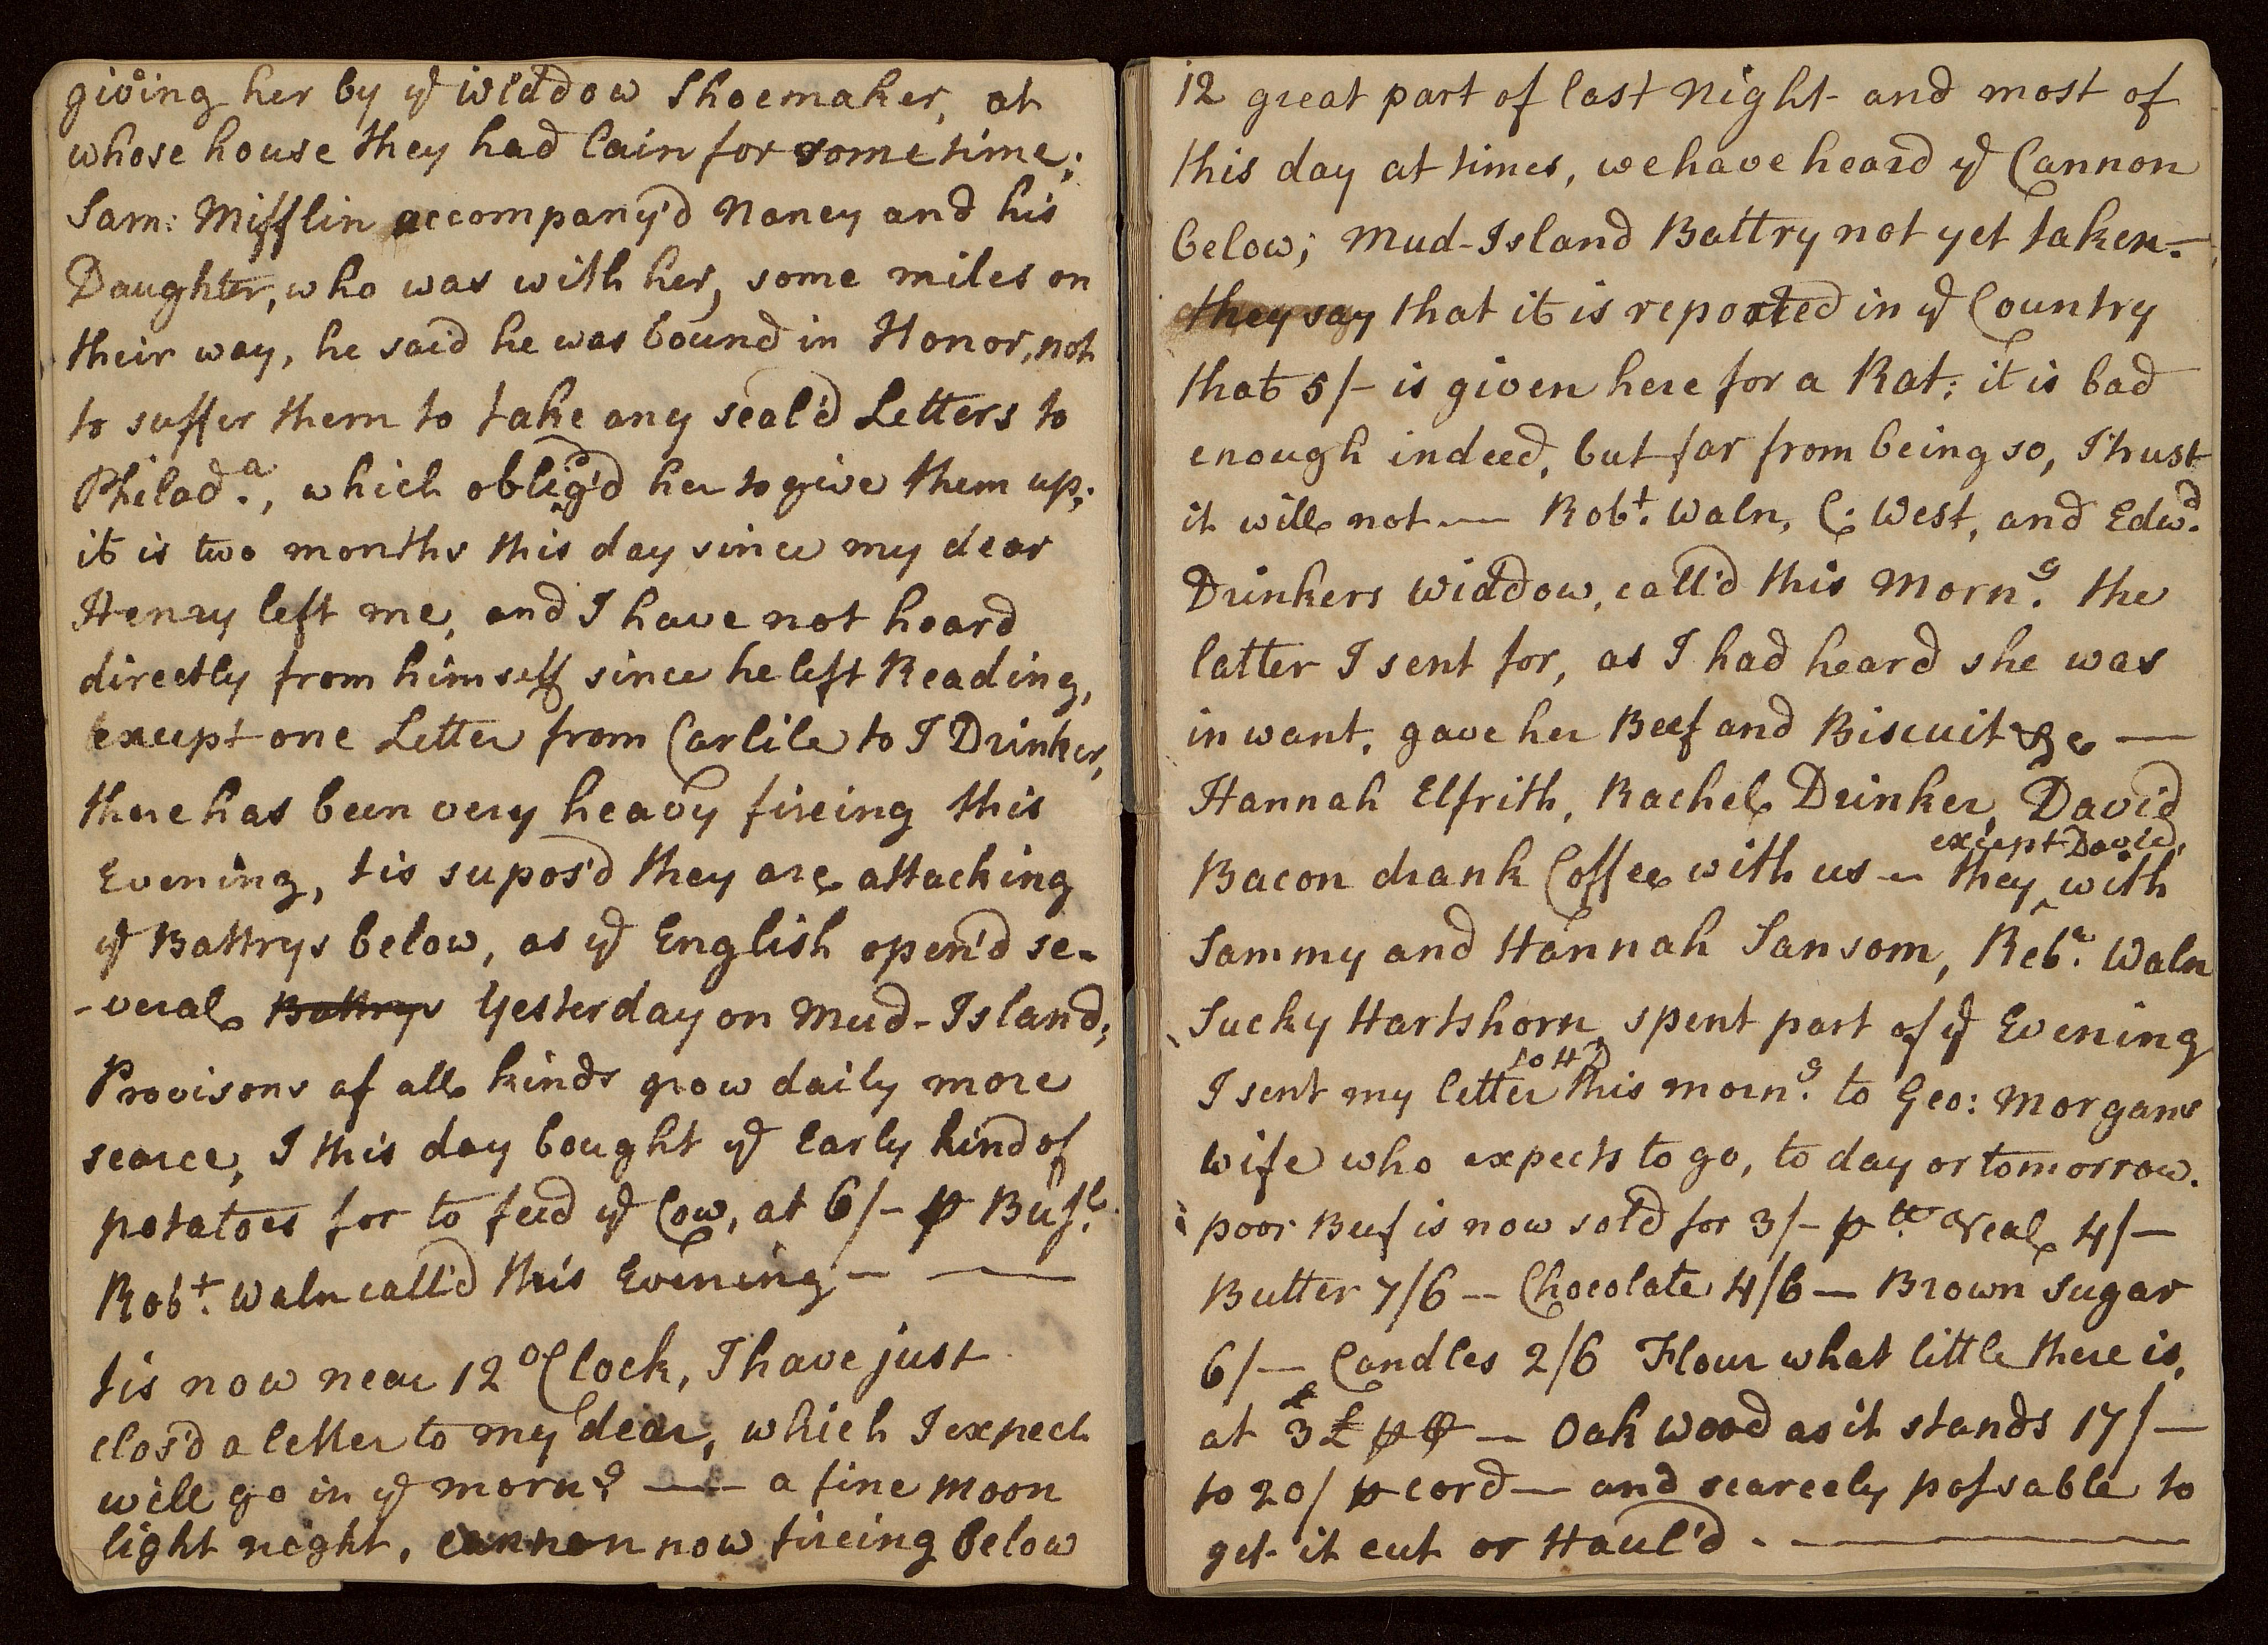giving her by y^e Widdow Shoemaker, at
whose house they had lain for some time.
Sam: Mifflin accompany'd Nancy and his
Daughter who was with her, some miles on
their way, he said he was bound in Honor, not
to suffer them to take any seal'd Letters to
Philad^a. which obli^d g'd her to give them up;
it is two months this day since my dear
Henry left me, and I have not heard
directly from himself since he left Reading,
except one Letter from Carlile to J Drinker,
there has been very heavy fireing this
Evening, tis supos'd they are attacking
y^e Battrys below, as y^e English open'd se-
-veral [Battrys] Yesterday on Mud- Island;
Provisons of all kinds grow daily more
scarce, I this day bought y^e Early kind of
potatoes for to feed y^e Cow, at 6s- per Bus^l.
Rob^t. Waln call'd this Evening-
tis now near 12 oClock, I have just
clos'd a letter to my dear, which I expect
will go in y^e morn^g.- a fine moon
light night, cannon now fireing below
12 great part of last night- and most of
this day at times, we have heard y^e Cannon
below; Mud-Island Battry not yet taken.
they say that it is reported in y^e Country
that 5s- is given here for a Rat; it is bad
enough indeed, but far from being so, I trust
it will not- Rob^t. Waln, C. West, and Edw^d.
Drinkers Widdow call'd this Morn^g. the
latter I sent for, as I had heard she was
in want, gave her Beef and Biscuit &c-
Hannah Elfrith, Rachel Drinker, David
except David,
Bacon drank Coffee with us- they ^ with
Sammy and Hannah Sansom, Reb^a. Waln
Sucky Hartshorn, spent part of y^e Evening
to HD
I sent my letter this morn^g. to Geo: Morgans
Wife who expects to go, to day or tomorrow.
poor Beef is now sold for 3s- p^lb. Veal 4s-
Butter 7s6-- Chocolate 4s6- Brown Sugar
6s- Candles 2s6 Flour what little there is,
£
at 3£ per lb- Oak Wood as it stands 17s-
to 20s per cord- and scarcely passable to
get it cut or Haul'd.-